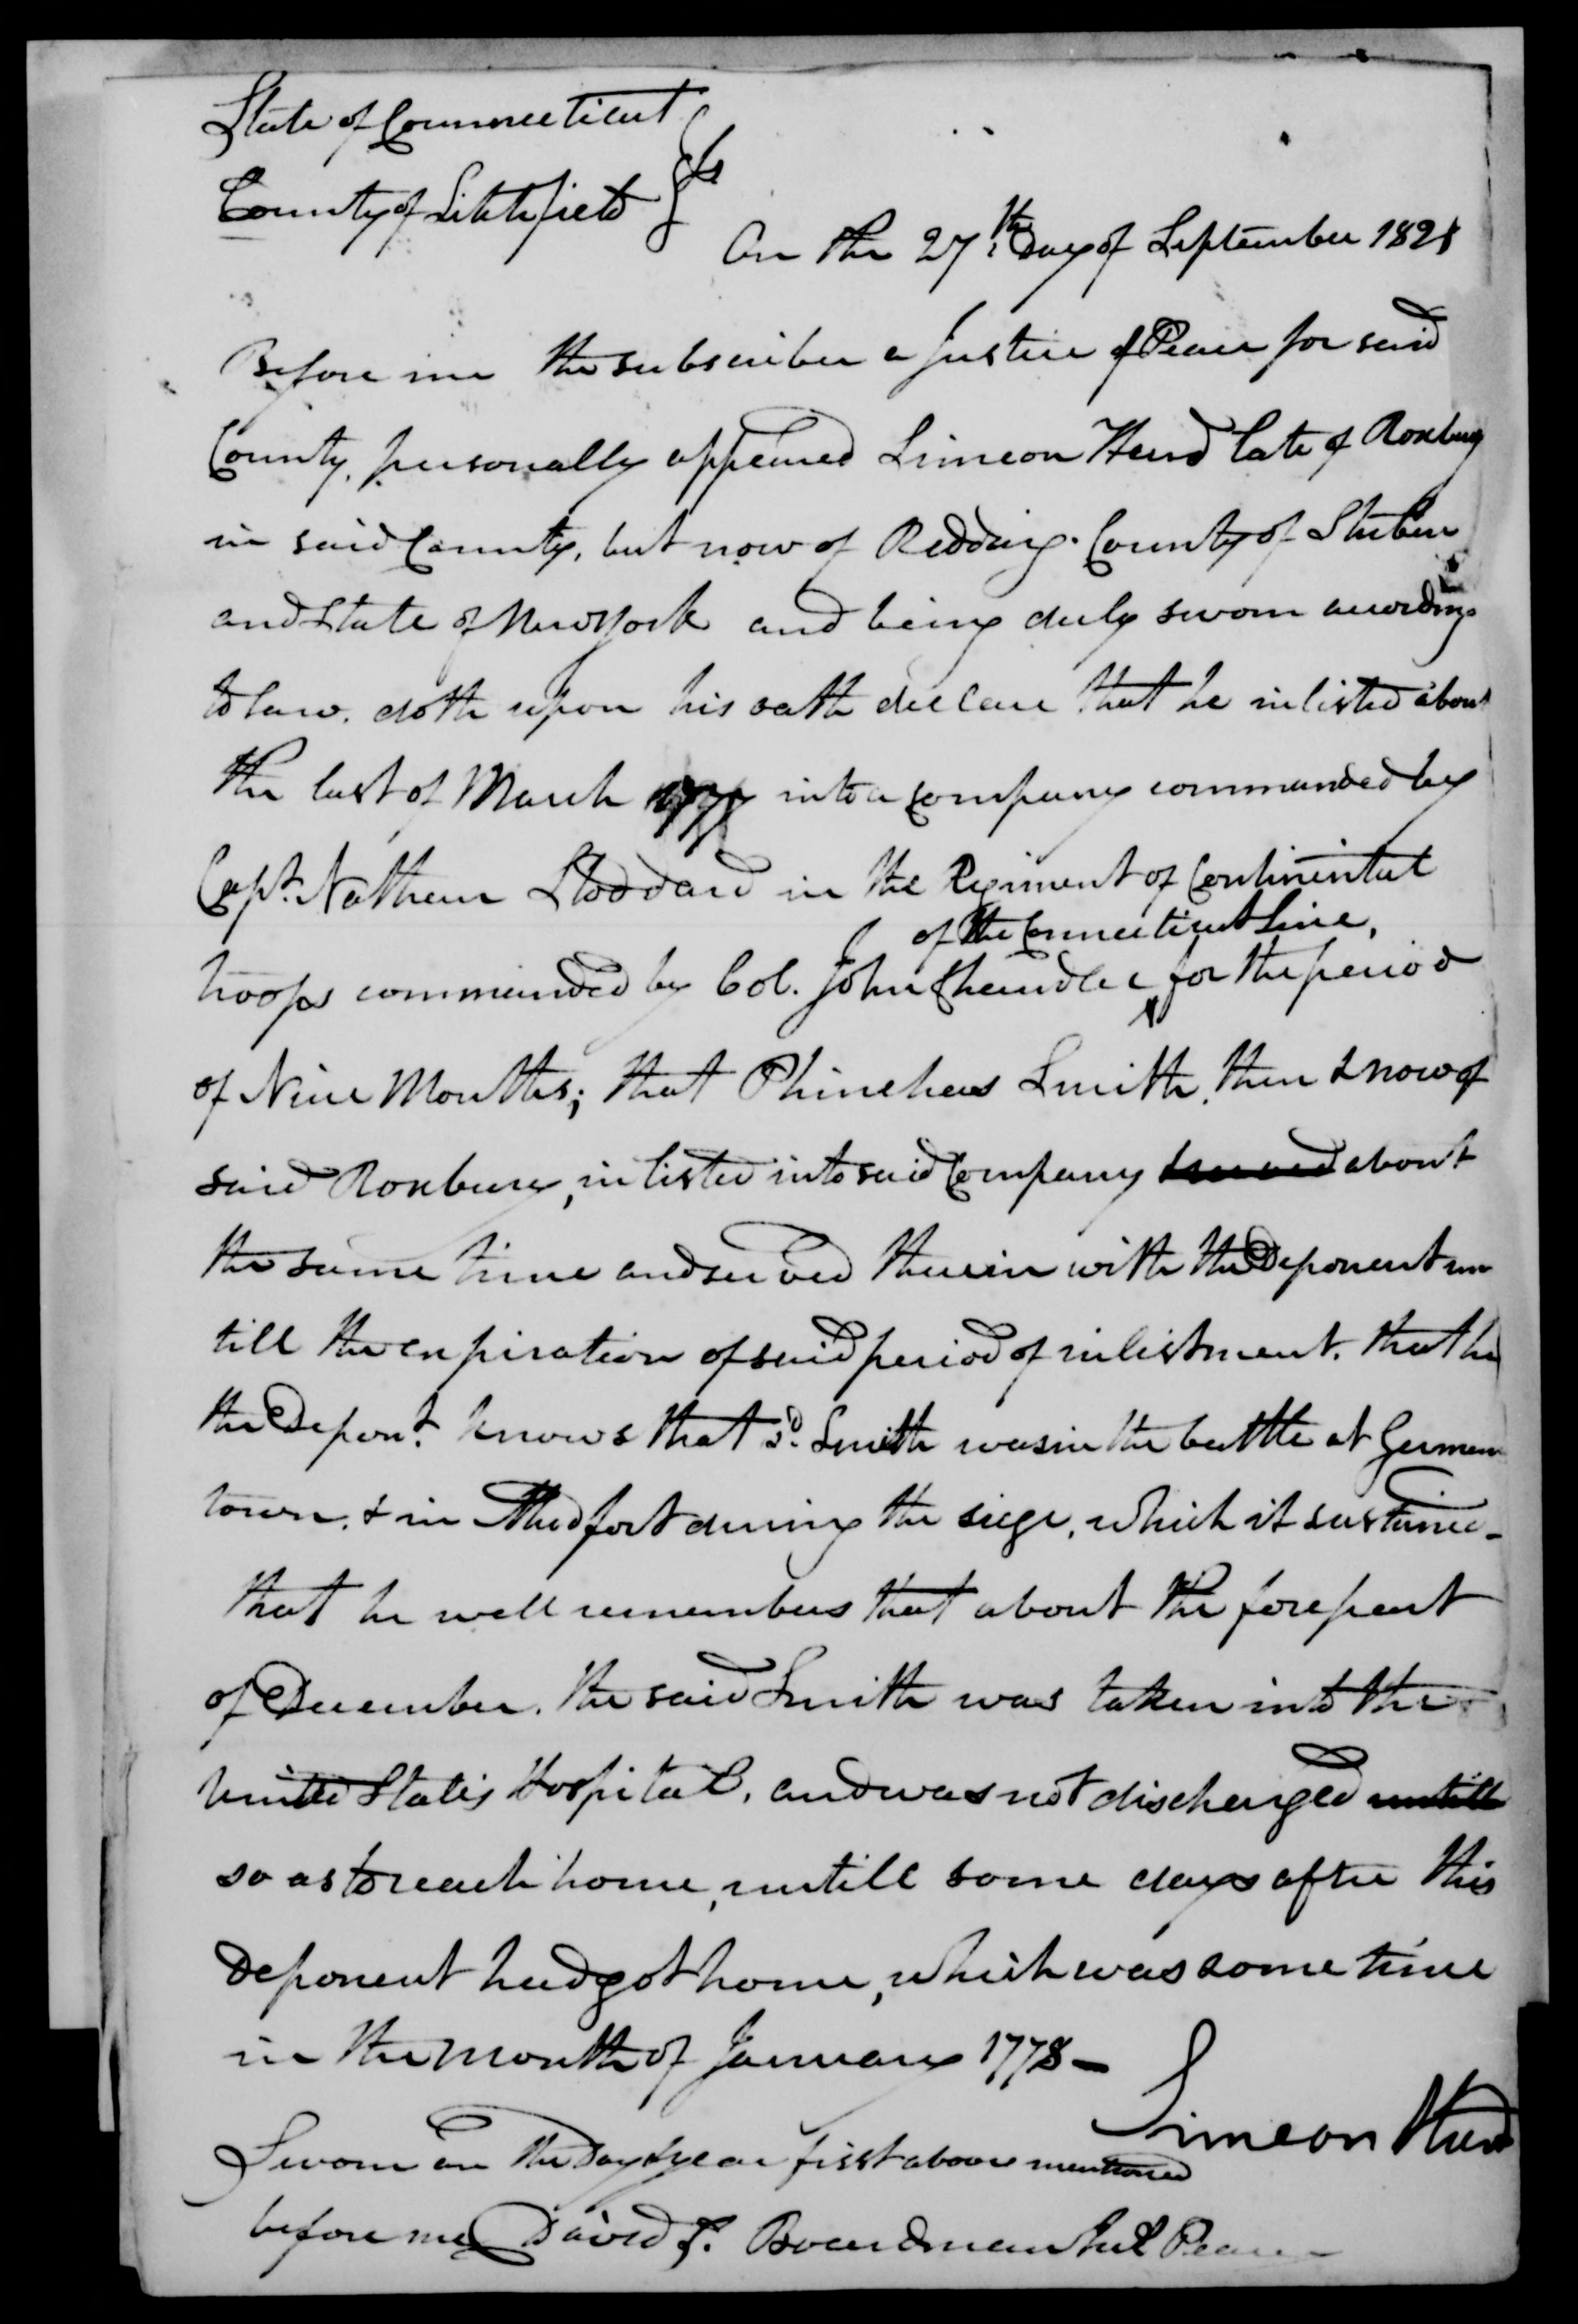State of Connecticut 
County of Litchfield } ss On the 27th day of September 1828 Before me the subscriber a Justice of Peace for said County, personally appeared Simeon Hurd late of Roxbury in said County, but now of Redding County of Steuben and State of New York and being duly sworn according to law, doth upon his oath declare that he inlisted about the last of March into a company commanded by Capt Nathan Stoddard in the Regiment of Continental of the Connecticut Line, troops commanded by Col. John Chandler for the period of Nine months; that Phinehas Smith then & now of said Roxbury, inlisted into said Company about the same time and served therein with the Deponent in till the expiration of said period of enlistment, that he the deponent knows that said Smith was in the battle at Germantown & in Mud fort during the siege, which is sustained  that he well remembers that about the forepart of December the said Smith was taken into the United State's Hospital, and was not discharged so as to reach home untill some days after this deponent had got home, which was some time in the month of January 1778.   
Simeon Hurd 
Sworn on the day of year first above mentioned before me 
David L. Boardman Just Peace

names: Phinehas Smith; [BLANK] Smith; Nathan Stoddard; [BLANK] Smith; John Chandler; Simeon Hurd; David S Boardman; Simeon Hurd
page: 49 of 55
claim: widow's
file: W. 11480, for Phinehas Smith, Connecticut